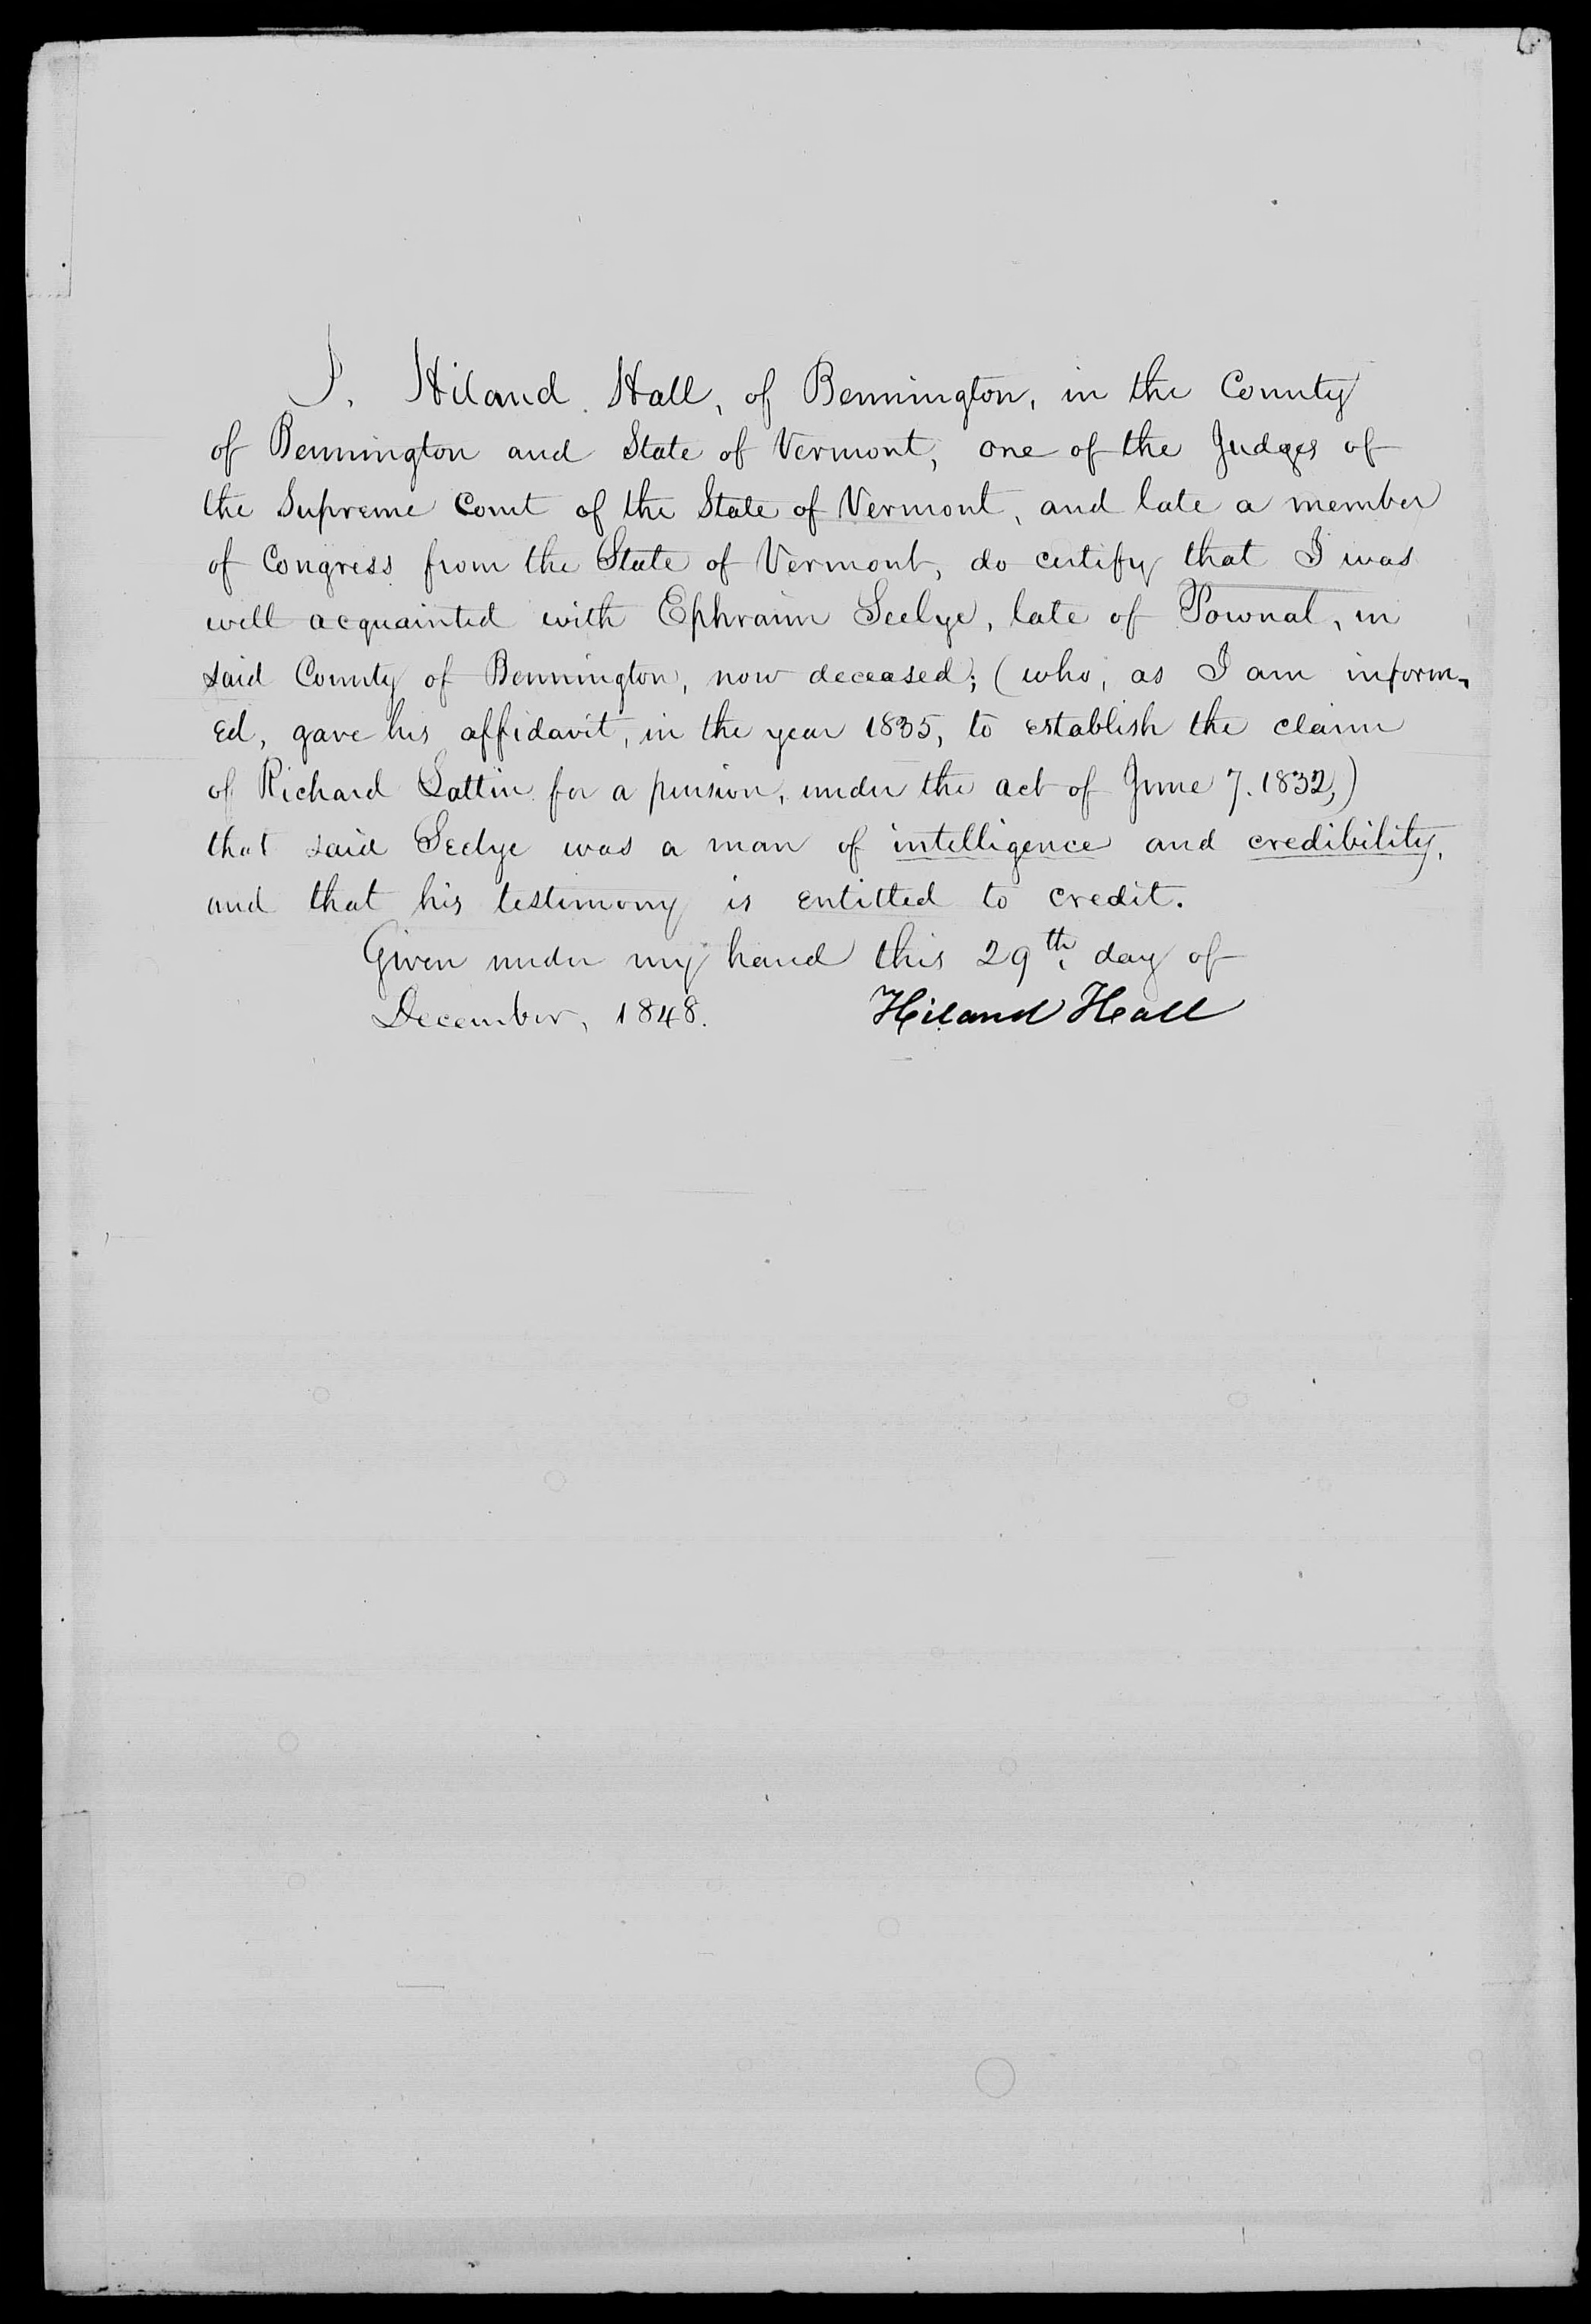I Hiland Hall of Bennington, in the County
of Bennington and State of Vermont,
one of the Judges of the Supreme Court of the State of Vermont, and late a member of
Congress from the State of Vermont, do certify that I was
well acquainted with Ephraim Seelye, late of Pownal, in
said County of Bennington, now deceased, (who, as I am informed, gave his affidavit, in the year 1835, to establish the claim of Richard Lattin for a pension, under the act of June 7, 1832,) that said Seelye was a man of intelligence and credibility. and that his testimony is entitled to credit.
Given under my hand this 29th day of
December, 1848.
Hiland Hall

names: Ephraim Seelye; Hiland Hall; Richard Lattin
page: 39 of 99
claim: widow's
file: W. 24,482, for Richard Lattin, Vermont